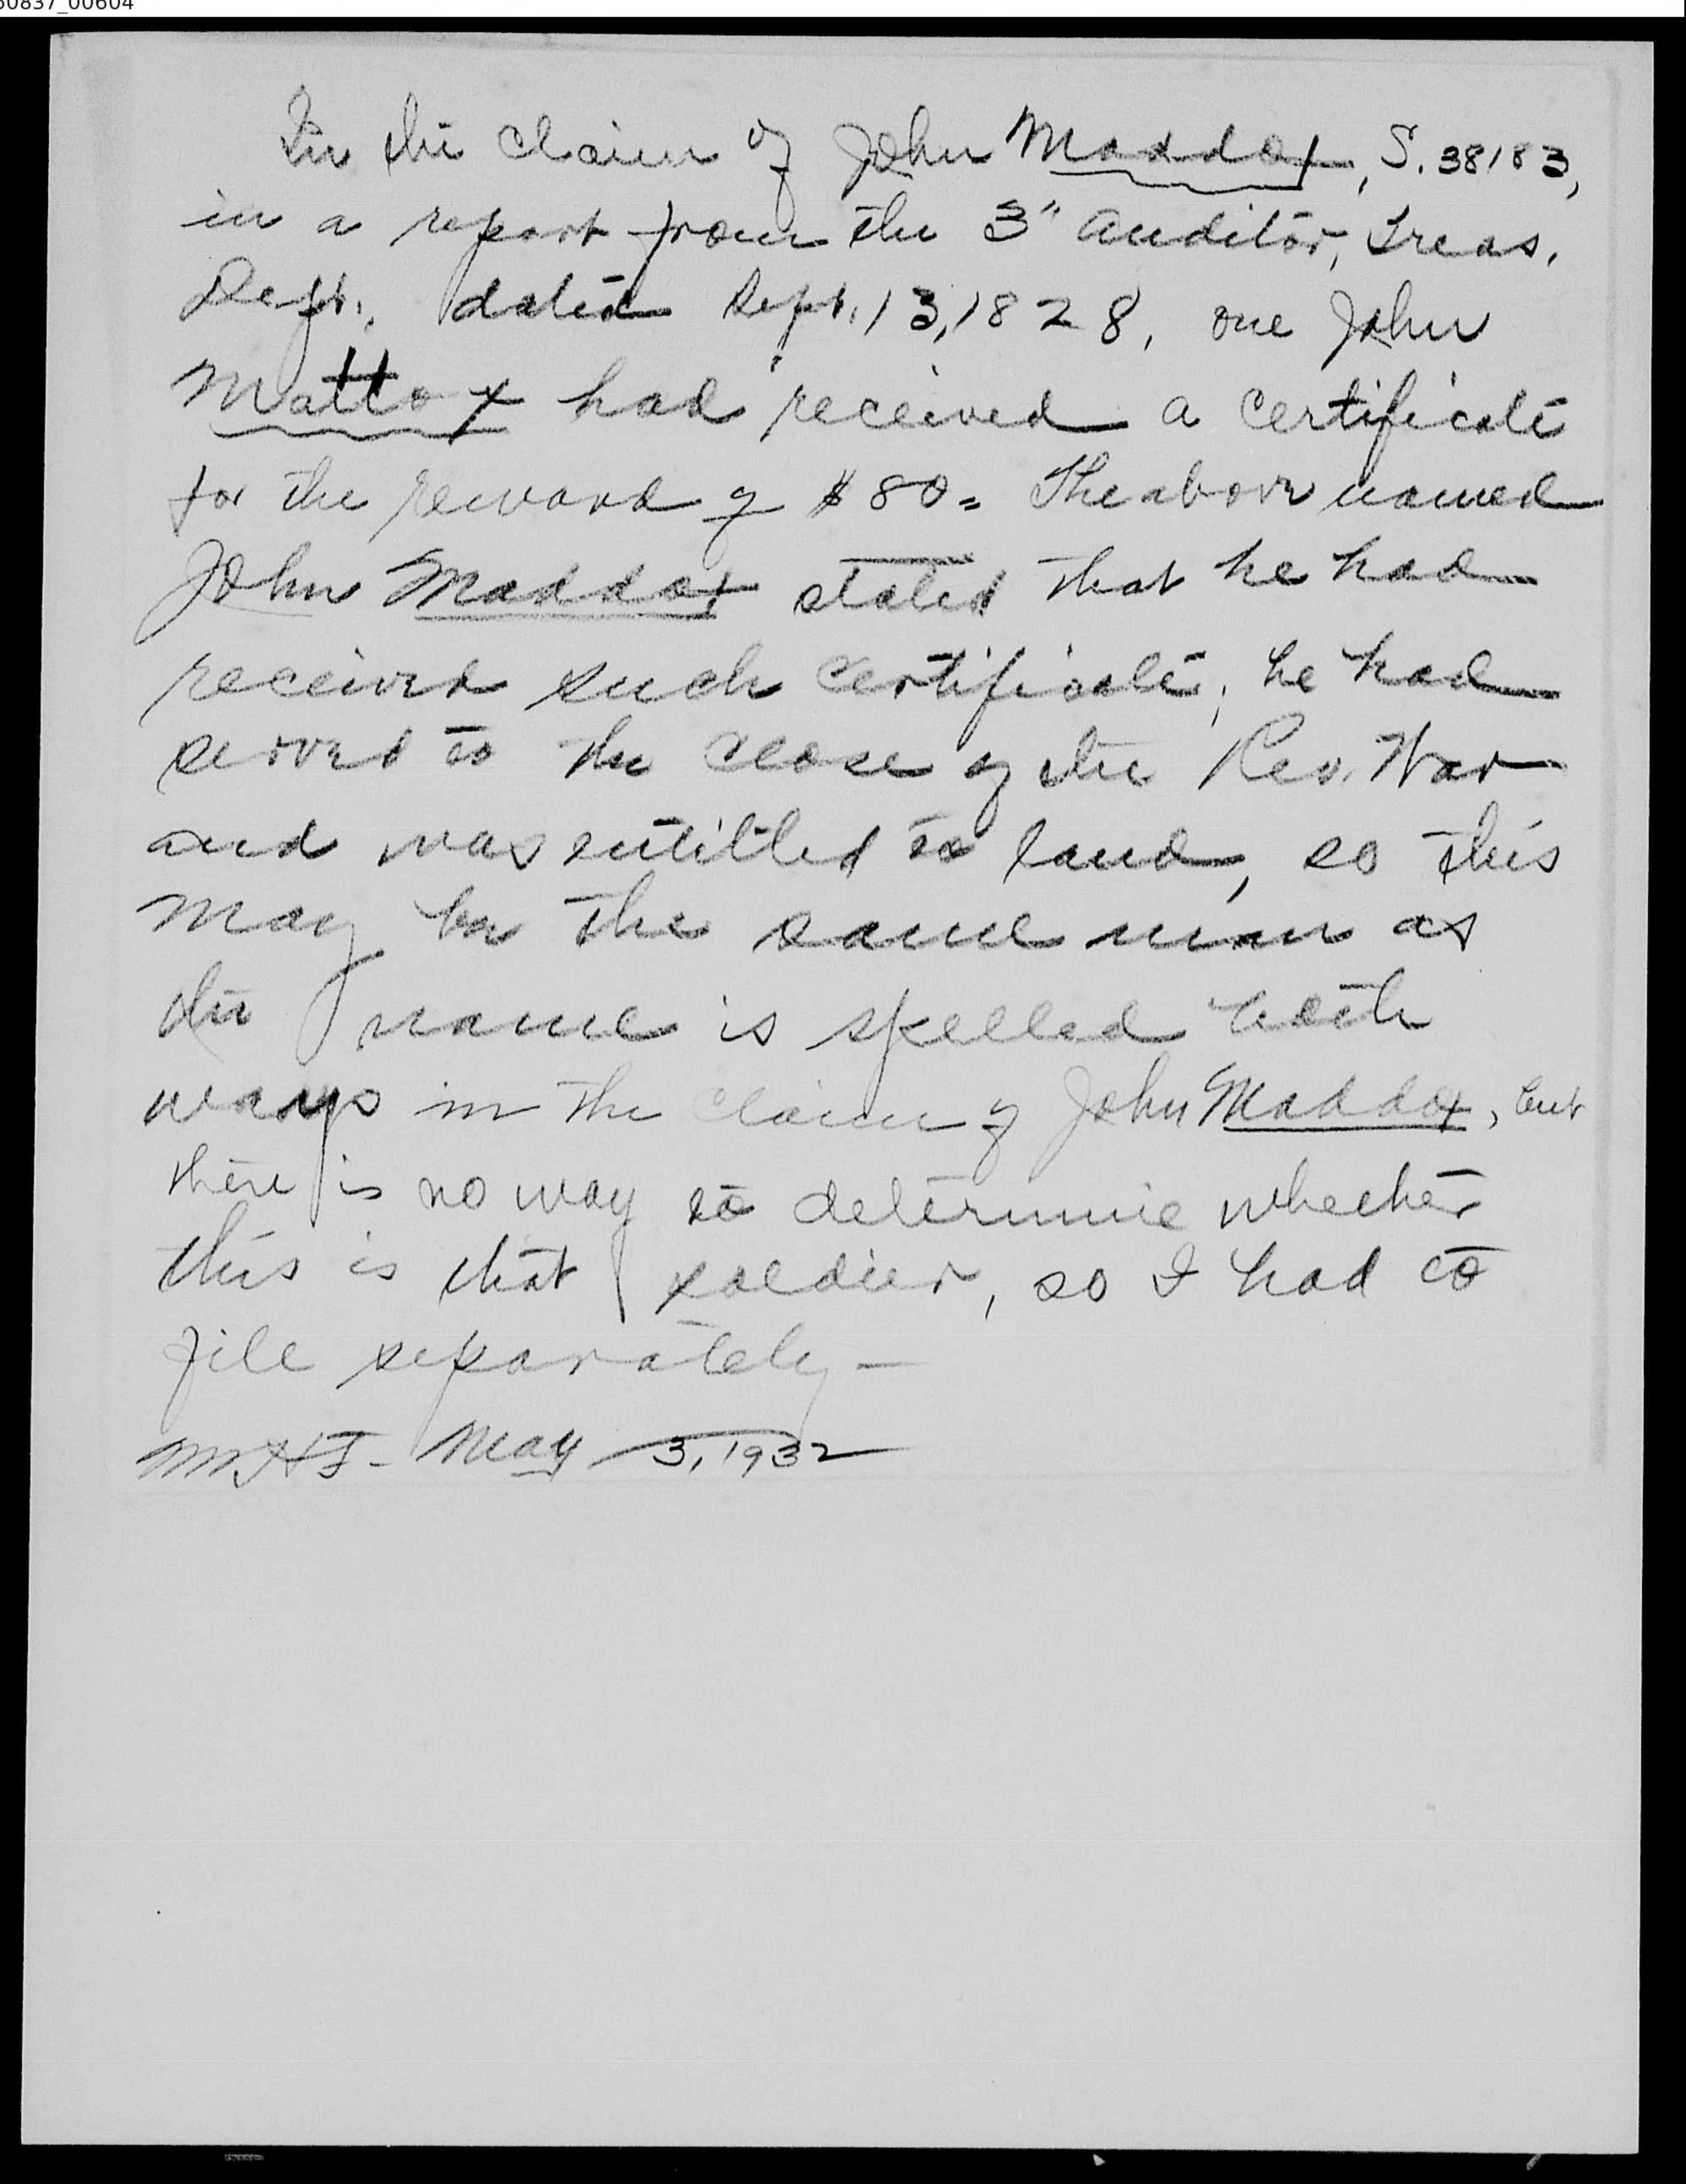In the claim of John Maddox, S38183, in a report from the 3rd Auditor Treas. Dept., dated Sept. 13, 1828, one John Mattox had received a certificate for the reward of $80.  The above named John Maddox stated that he has received such a certificate; he had served to the close of the Rev. War and was entitled to land, so this may be the same man as his name is spelled both ways in the claim of John Maddox, but there is no way to determine whether this is that soldier, so I had to file separately - 

MMHF - May 3, 1932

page: 3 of 5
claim: bounty land warrant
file: B.L.Wt. 12374-100, for John Mattox, Virginia